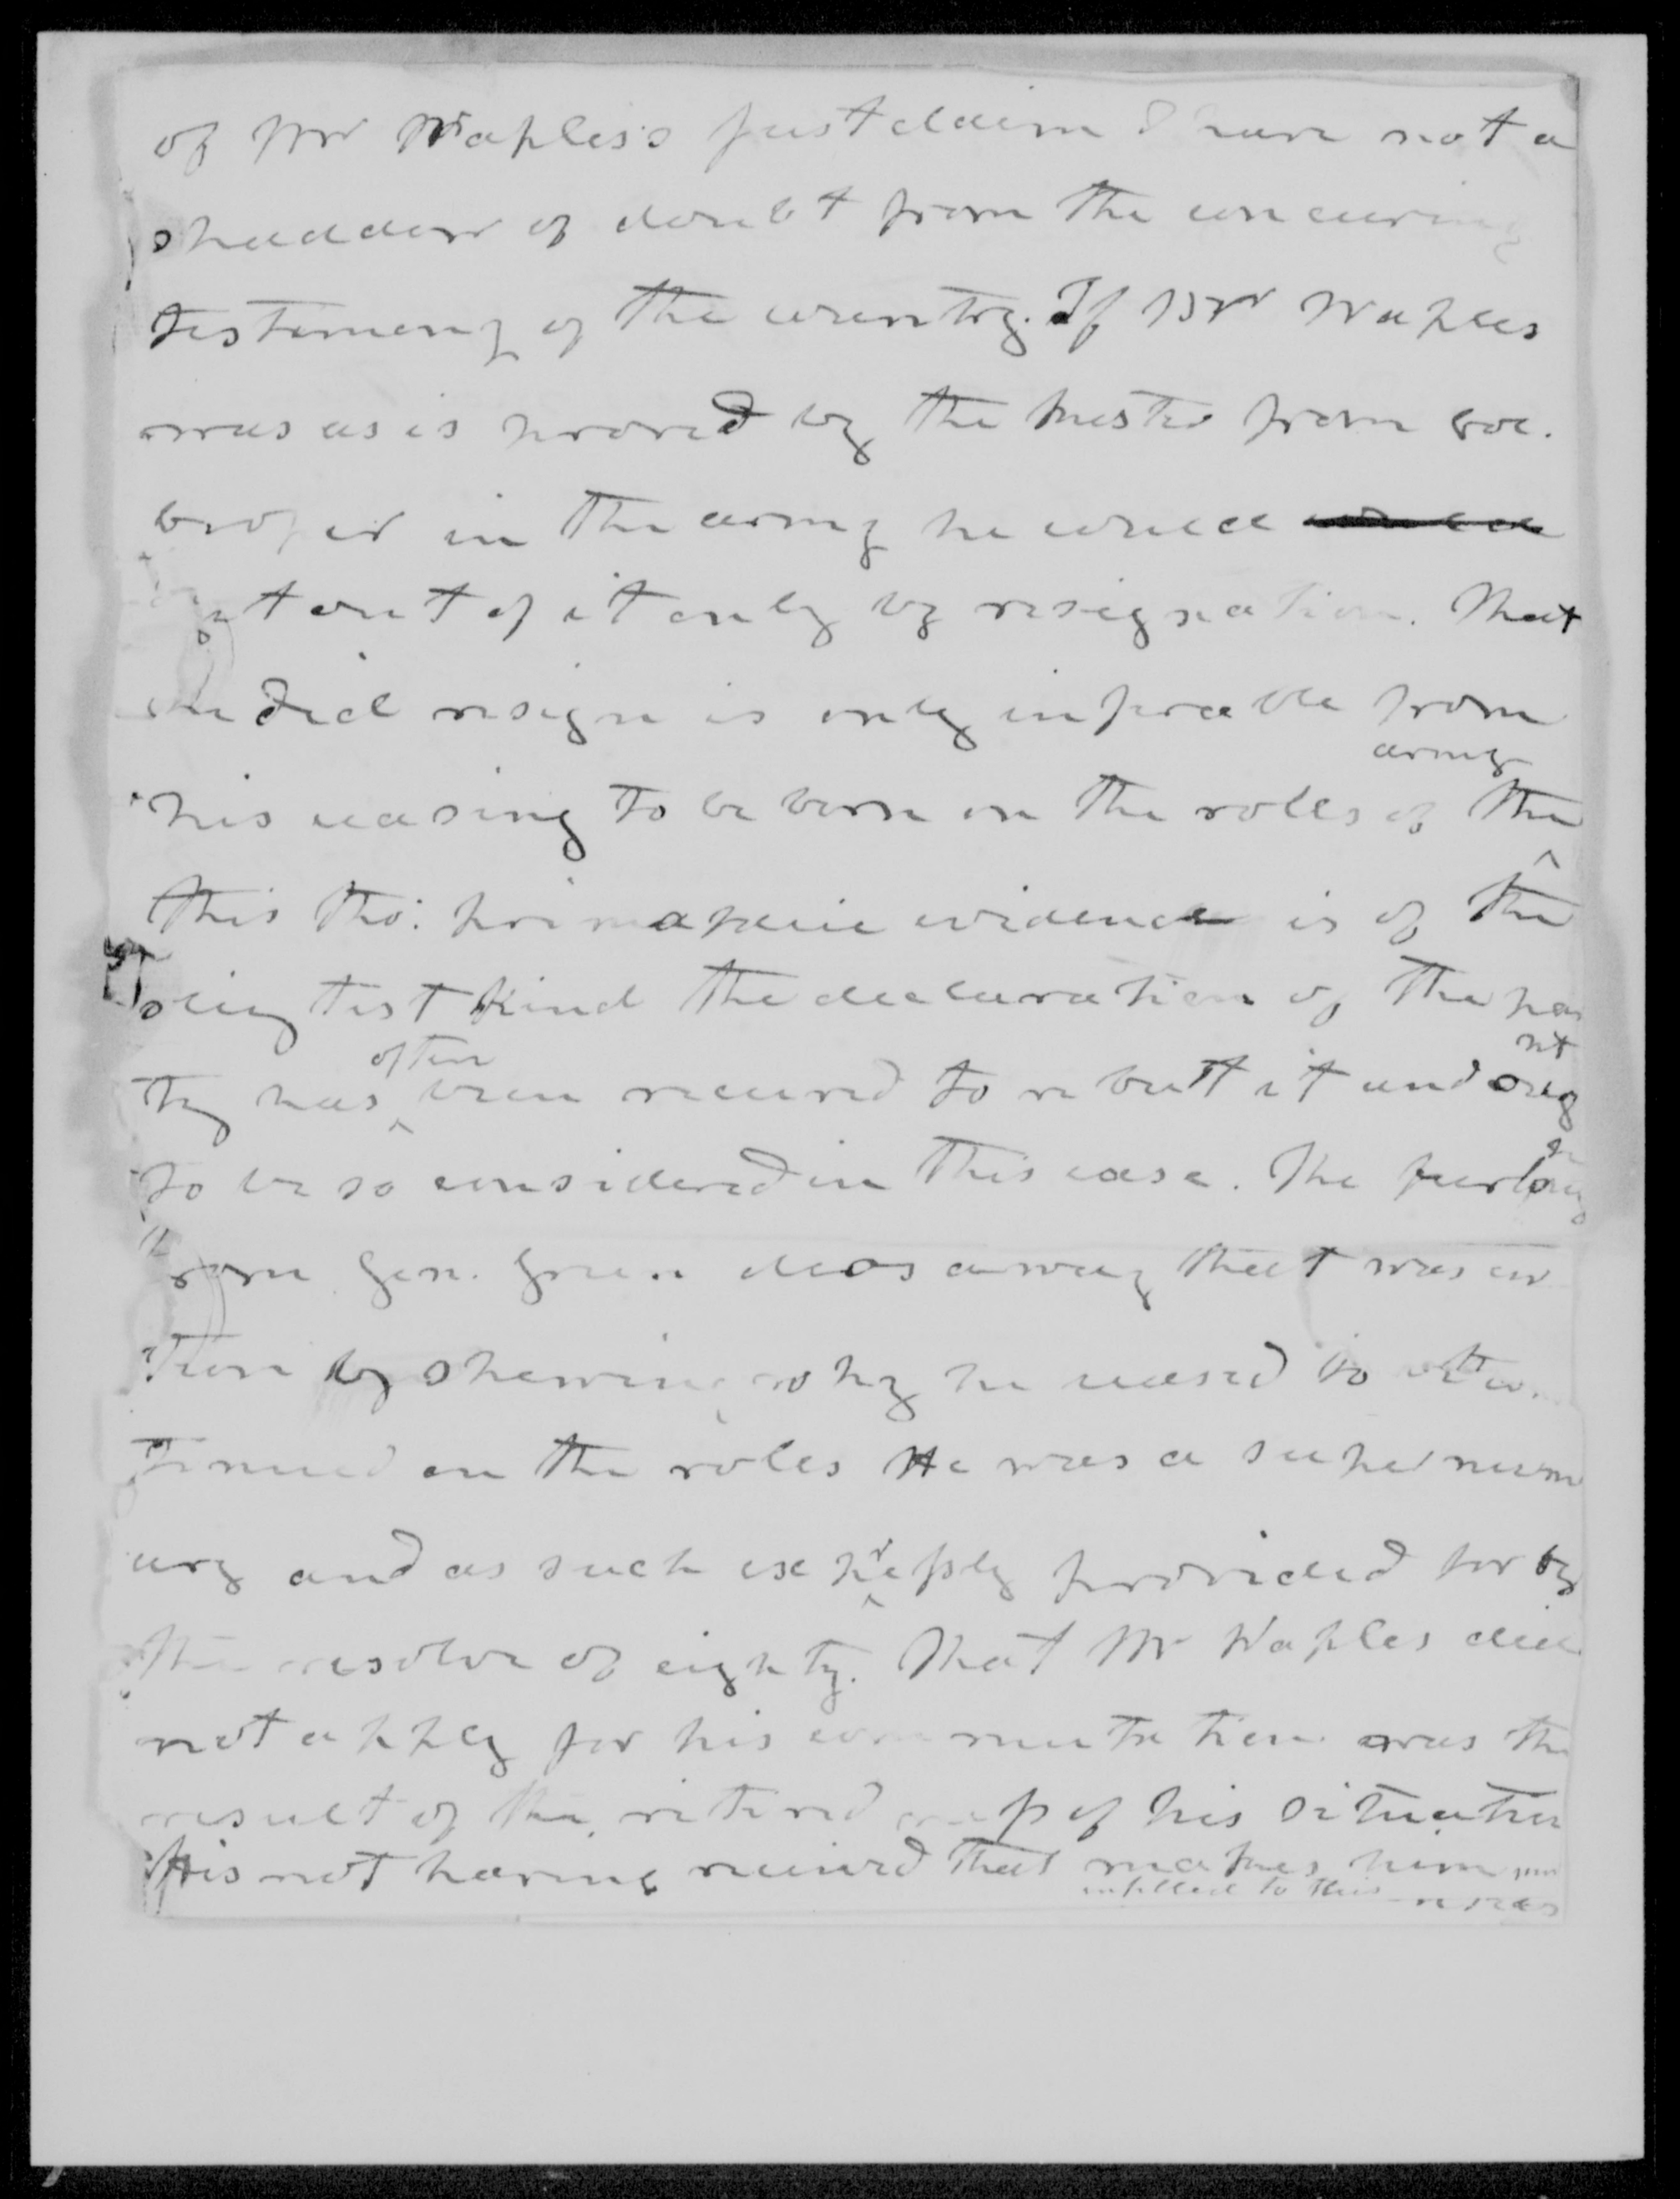of Mr Waples's just claim I have not a shadow of doubt from the concuring testimony of the county. If Mr Waples was as is proved by the [illegible] from [illegible] Groper in the army he could get out of it only by resignation. That he did resign is only inforcable from his ceasing to be bron [sic; born?] on the roles of the army This [illegible]: [illegible] evidence is of the [illegible]ing test kind the declaration of the [illegible] was often [illegible] to rebutt it and [illegible] to be so considered in this case. The [illegible] from Gen. Green was a way that was [illegible] an [illegible] [illegible] by showing he [illegible] on the roles he was a supernumary and as such [illegible] provided for by this [illegible] of eighty. That Mr Waples did
not apply for his commute here was the
result of [illegible] of his situation His not having [illegible] that makes him [illegible]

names: Waples, Waples, John Waples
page: 34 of 59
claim: widow's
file: W. 6427, Samuel Waples, Va.